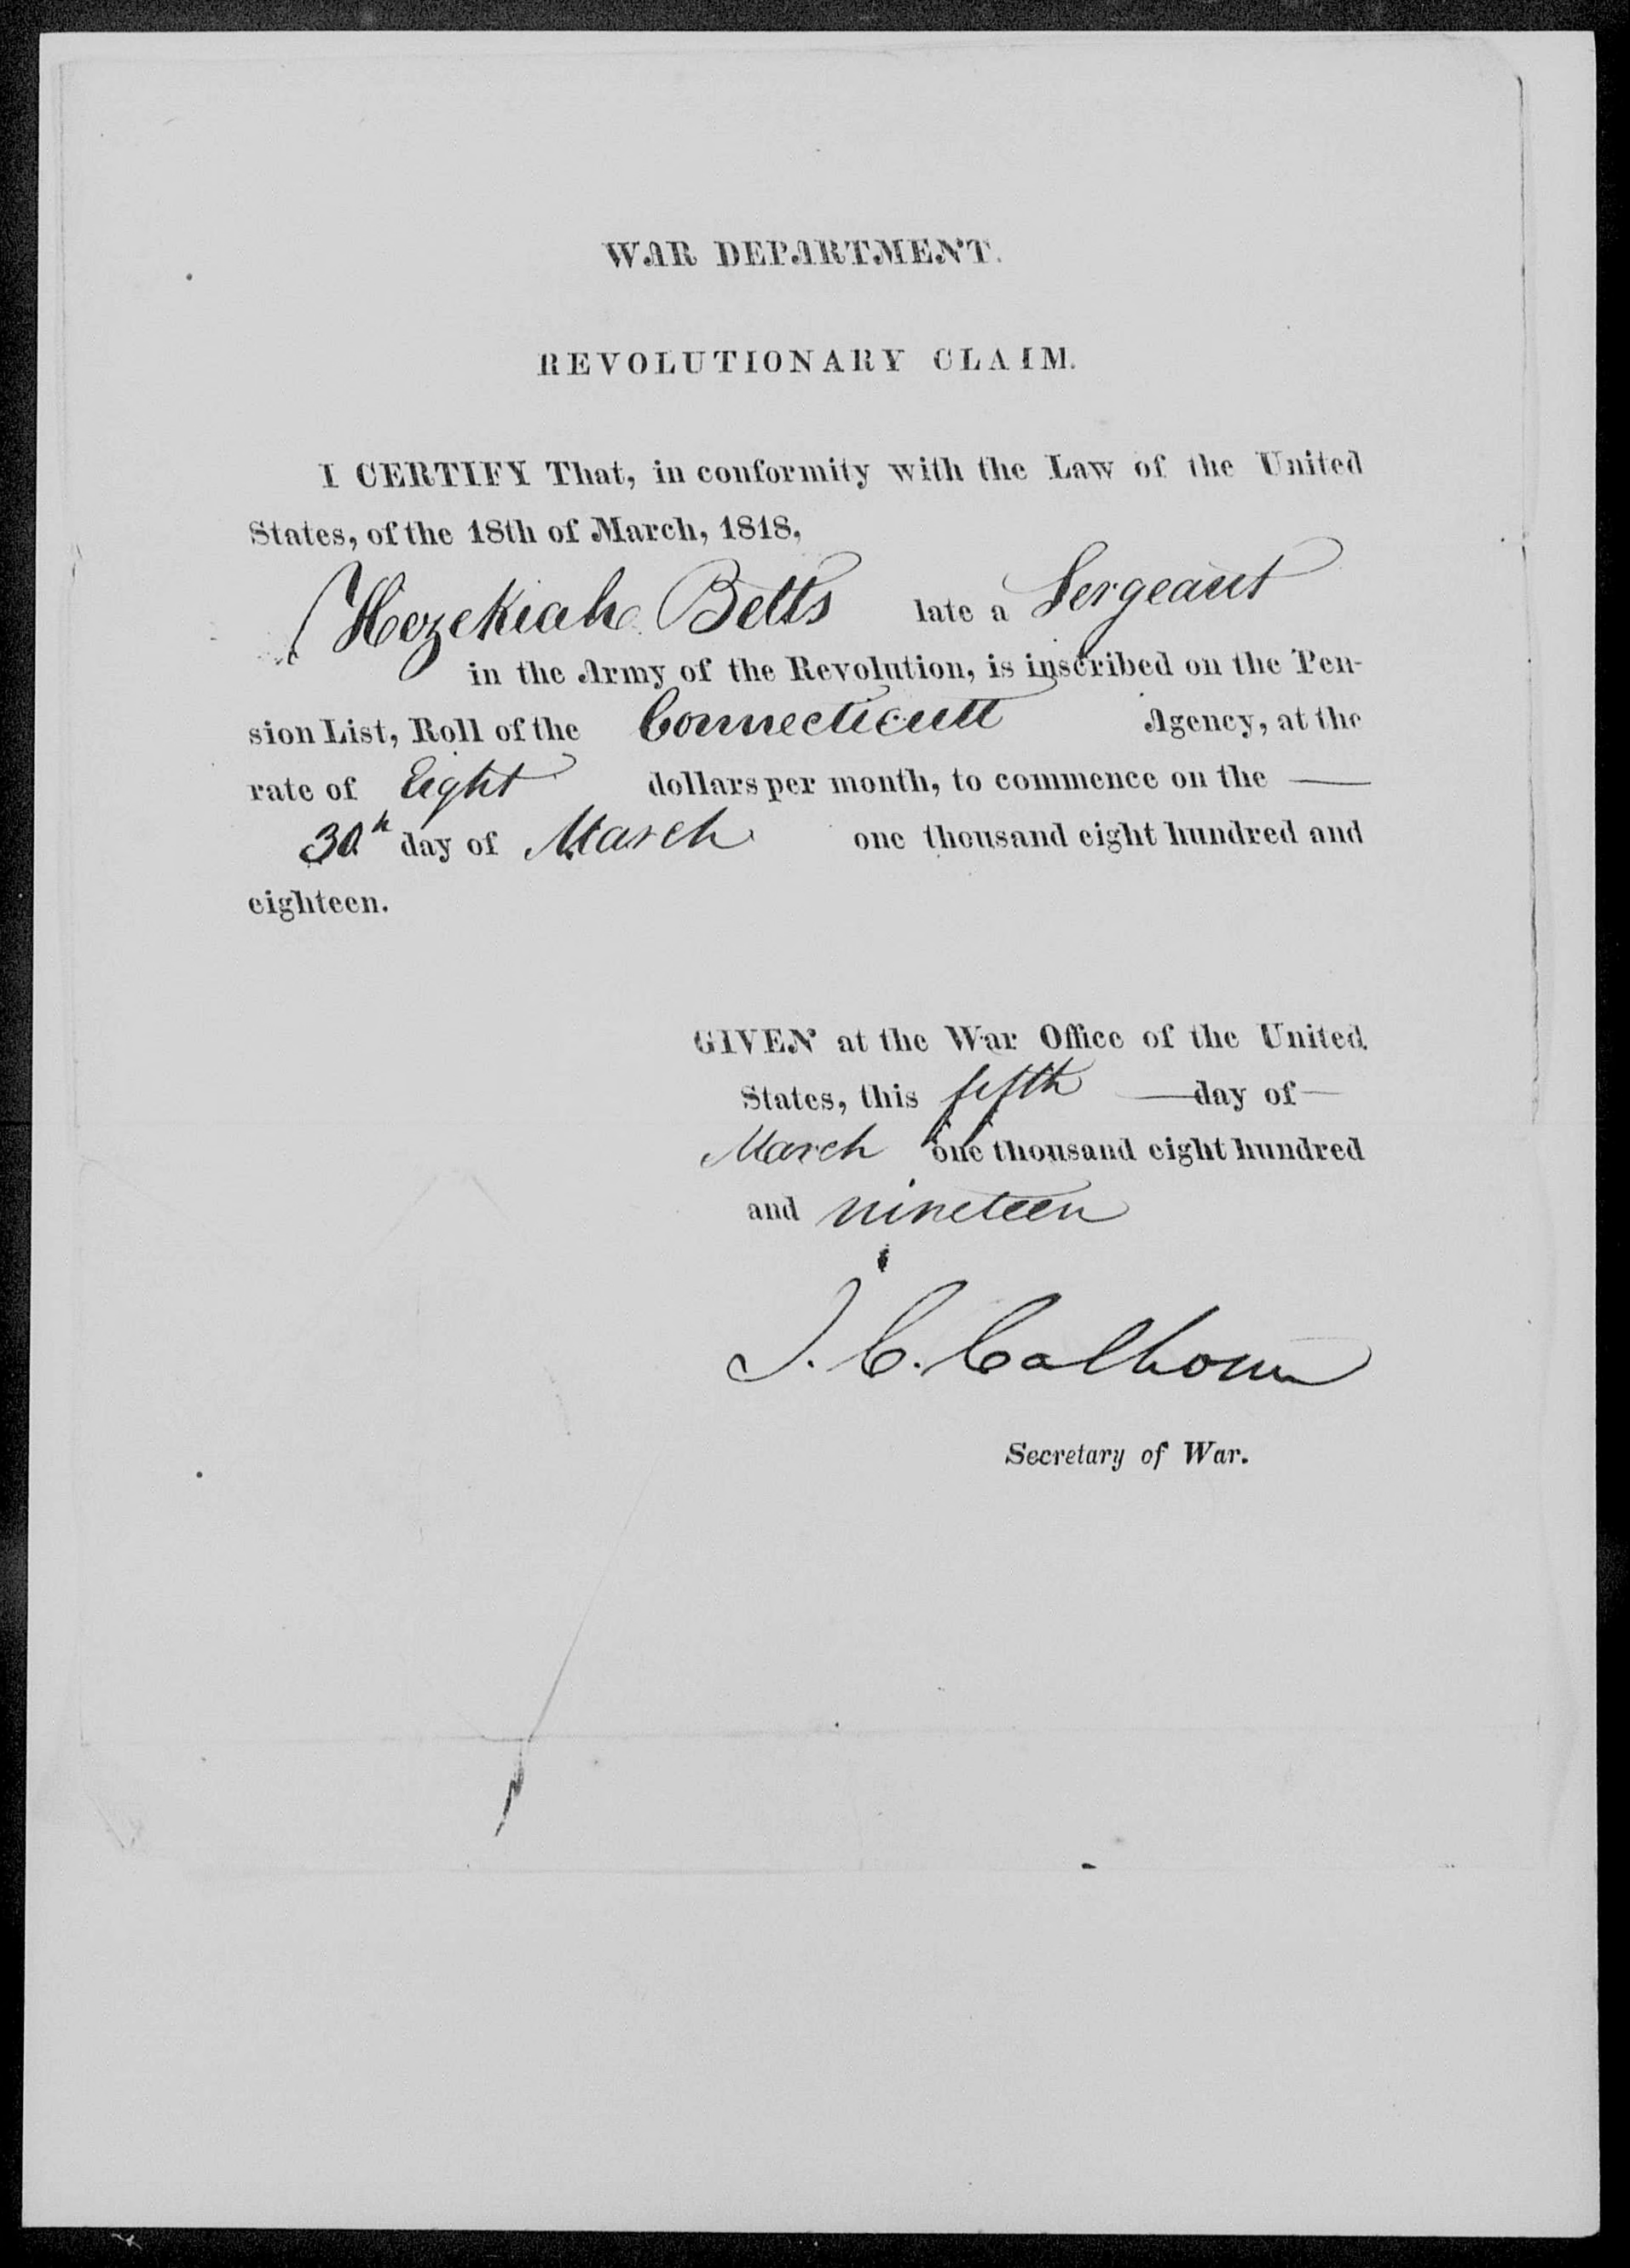WAR DEPARTMENT
REVOLUTIONARY CLAIM
I CERTIFY That, in conformity with the Law of the United States, of the 18th of March, 1818, Hezekiah Betts late a sergeant in the Army of the Revolution, is inscribed on the Pension List, Roll of the Connecticut Agency, at the rate of eight dollars per month, to commence on the 30th day of March one thousand eight hundred and eighteen.
GIVEN at the War Office of the united States, this fifth day of March one thousand eight hundred and nineteen.
J. C. Calhoun
Secretary of War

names: J C Calhoun, Hezekiah Betts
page: 37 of 61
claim: widow's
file: W. 29,929, Hezekiah Betts, Conn.